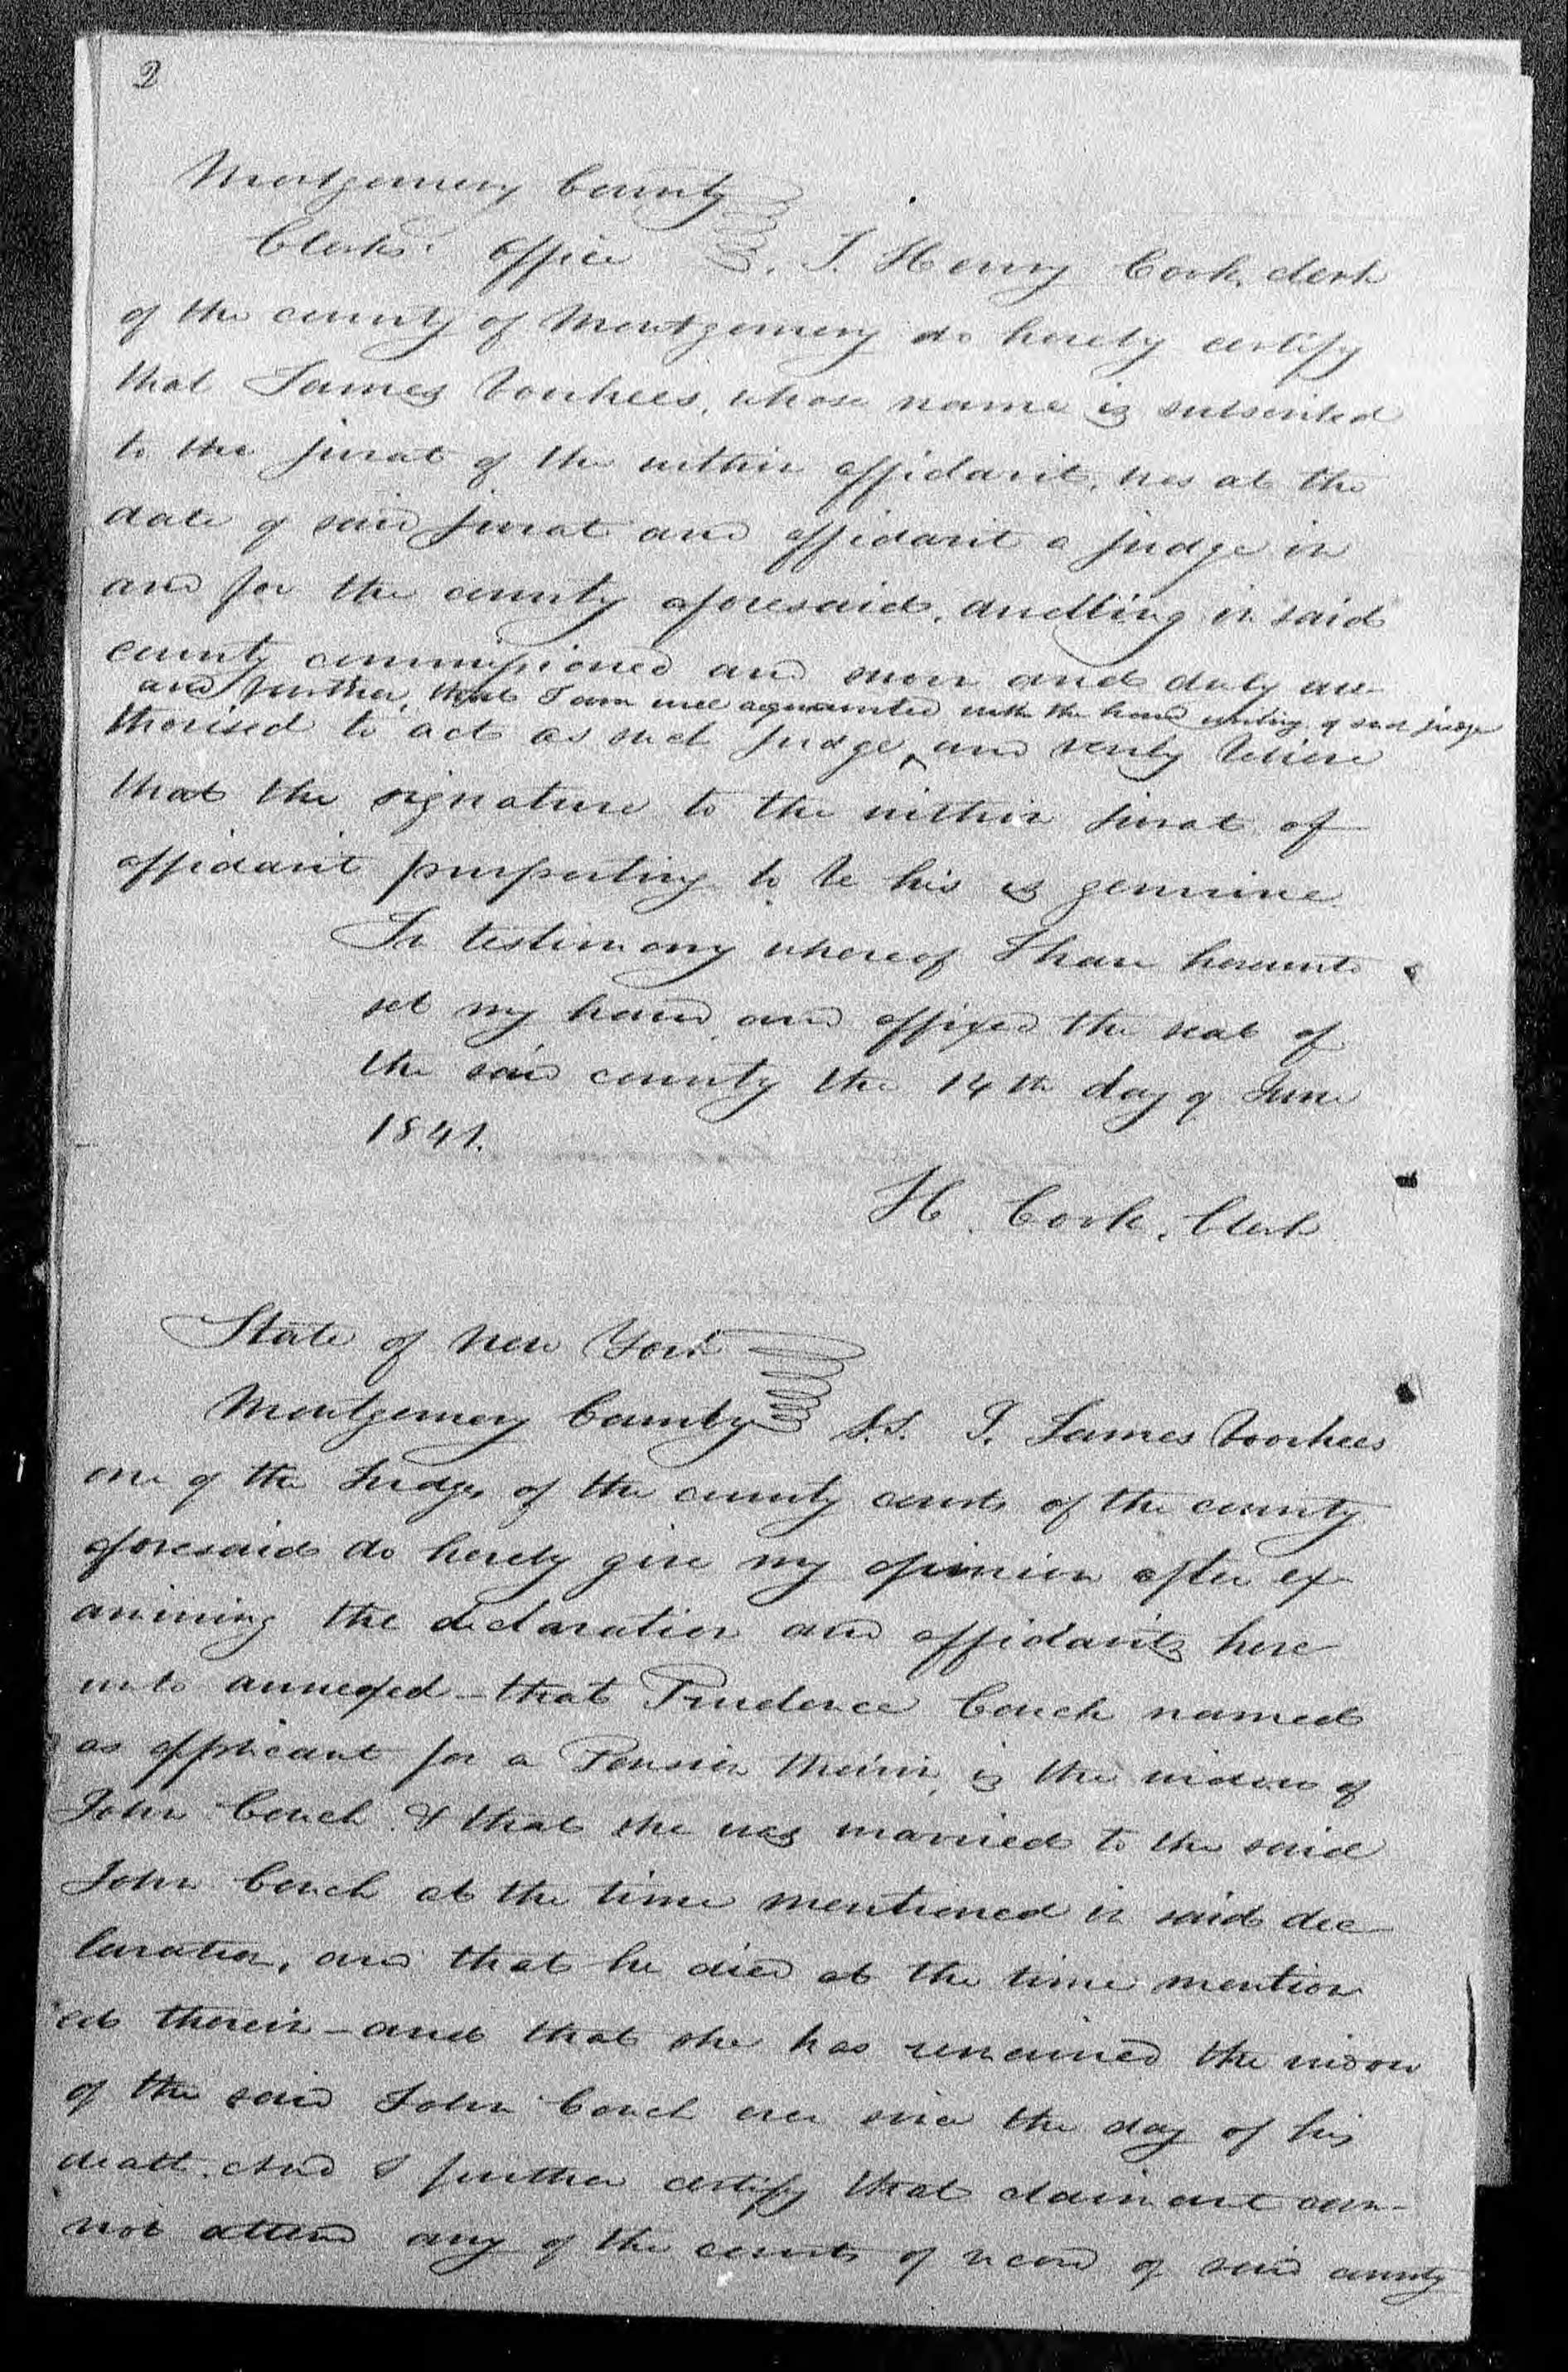Montgomery County Clerk's Office}
I Henry Cook Clerk of the county of Montgomery do hereby certify that James Voorhees, whose name is subscribed to the jurat of the within affidavit, was at the date of said jurat and affidavit a judge in and for the county aforesaid, dwelling in said county commissioned and sworn and duly authorized to act as such Judge and further that I am well acquainted with the hand writing of said Judge and verily believe that the signature to the within jurat of affidavit purporting to be his is genuine.
In testimony whereof I have hereunto set my hand and affixed the seal of the said county the 14th day of June 1841.
H. Cook Clerk

State of New York
Montgomery County} ss. I, James Voorhees one of the Judges of the county courts of the county aforesaid do hereby give my opinion after examining the declaration and affidavits hereunto annexed, that Prudence Couch named as applicant for a pension therein, is the widow of John Couch & that she was married to the said John Couch at the time mentioned in said declaration, and that he died at the time mentioned therein, and that she has remained the widow of the said John Couch ever since the day of his death. And I further certify that claimant cannot attend any of the courts of record in said county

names: James Voorhees, Henry Cook, Prudence Couch, James Voorhees, John Couch, John Couch, John Couch, H Cook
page: 3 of 68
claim: rejected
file: R. 2,360, John Couch, Conn.